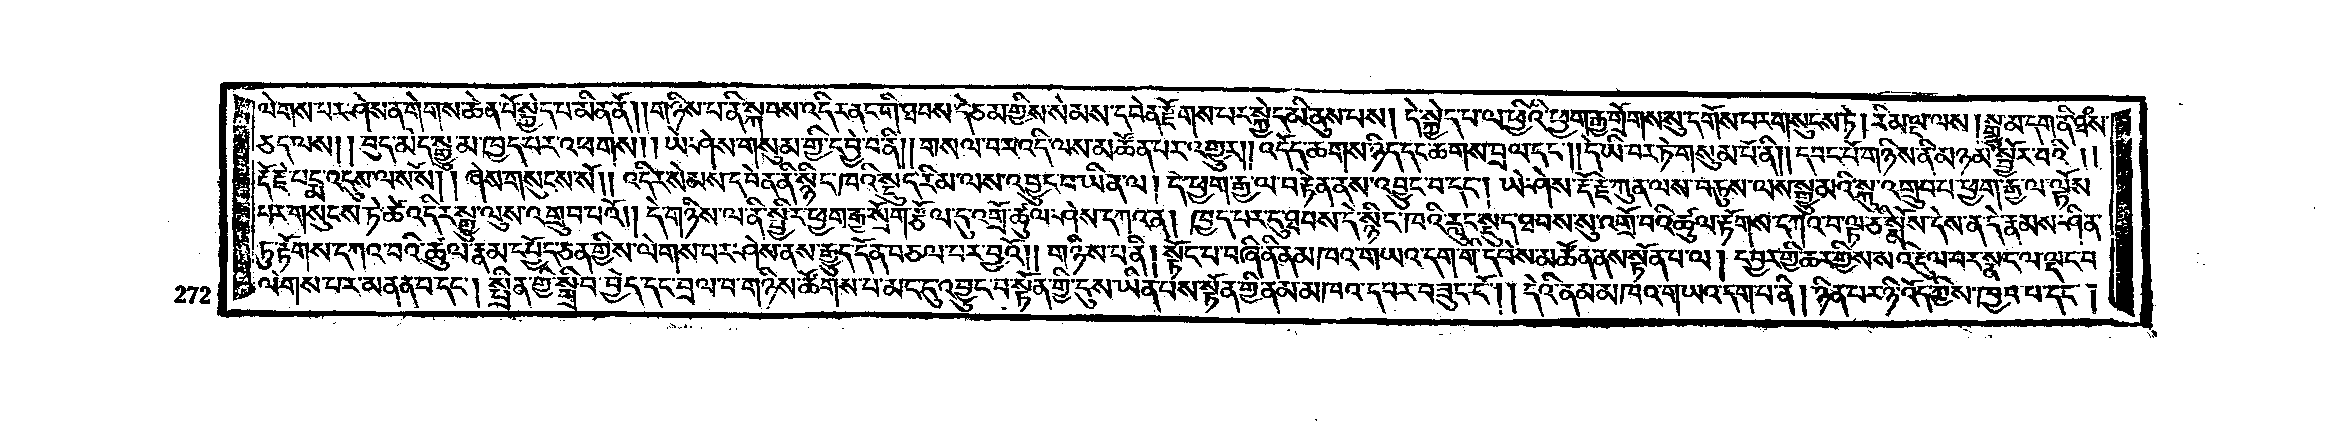ལེགས་པར་ཤེས་ན་གེགས་ཆེན་པོ་སྐྱེད་པ་མིན་ནོ། །གཉིས་པ་ནི་སྐབས་འདིར་ནང་གི་ཐབས་དེ་ཙམ་གྱིས་སེམས་དབེན་རྫོགས་པར་སྐྱེད་མི་ནུས་པས། དེ་སྐྱེད་པ་ལ་ཕྱིའི་ཕྱག་རྒྱ་གྲོགས་སུ་དགོས་པར་གསུངས་ཏེ། རིམ་ལྔ་ལས། སྒྱུ་མ་དག་ནི་ཐམས་
ཅད་ལས། །བུད་མེད་སྒྱུ་མ་ཁྱད་པར་འཕགས། །ཡེ་ཤེས་གསུམ་གྱི་དབྱེ་བ་ནི། །གསལ་བར་འདི་ལས་མཚོན་པར་འགྱུར། །འདོད་ཆགས་ཉིད་དང་ཆགས་བྲལ་དང་། །དེ་ཡི་བར་ཏེ་གསུམ་པོ་ནི། །དབང་པོ་གཉིས་ནི་མཉམ་སྦྱོར་བའི། །
རྡོ་རྗེ་པདམ་འདུས་ལས་སོ། །ཞེས་གསུངས་སོ། །འདིར་སེམས་དབེན་ནི་སྙིང་ཁའི་སྡུད་རིམ་ལས་འབྱུང་བ་ཡིན་ལ། དེ་ཕྱག་རྒྱ་ལ་བརྟེན་ནས་འབྱུང་བ་དང་། ཡེ་ཤེས་རྡོ་རྗེ་ཀུན་ལས་བཏུས་ལས་སྒྱུ་མའི་སྐུ་འགྲུབ་པ་ཕྱག་རྒྱ་ལ་ལྟོས་
པར་གསུངས་ཏེ་ཚེ་འདིར་སྒྱུ་ལུས་འགྲུབ་པའོ། །དེ་གཉིས་ལ་ནི་སྤྱིར་ཕྱག་རྒྱ་སྲོག་རྩོལ་དུ་འགྲོ་ཚུལ་ཤེས་དཀའ་ན། ཁྱད་པར་དུ་ཐབས་དེ་སྙིང་ཁའི་རླུང་སྡུད་ཐབས་སུ་འགྲོ་བའི་ཚུལ་རྟོགས་དཀའ་བ་ལྟ་ཅི་སྨོས་དེས་ན་དེ་རྣམས་ཤིན་
ཏུ་རྟོགས་དཀའ་བའི་ཚུལ་རྣམ་དཔྱོད་ཅན་གྱིས་ལེགས་པར་ཤེས་ནས་རྒྱུད་དོན་བཙལ་བར་བྱའོ། །གཉིས་པ་ནི། སྟོང་པ་བཞི་ནི་ནམ་མཁའ་གཡའ་དག་གི་དཔེས་མཚོན་ནས་སྟོན་པ་ལ། དབྱར་གྱི་ཆར་གྱིས་སའི་རྡུལ་བར་སྣང་ལ་ལྡང་བ་
ལེགས་པར་མནན་པ་དང་། སྤྲིན་གྱི་སྒྲིབ་བྱེད་དང་བྲལ་བ་གཉིས་ཚོགས་པ་མང་དུ་འབྱུང་བ་སྟོན་གྱི་དུས་ཡིན་པས་སྟོན་གྱི་ནམ་མཁའ་དཔེར་བཟུང་ངོ། །དེའི་ནམ་མཁའ་གཡའ་དག་པ་ནི། ཉིན་པར་ཉི་འོད་ཀྱིས་ཁྱབ་པ་དང་།